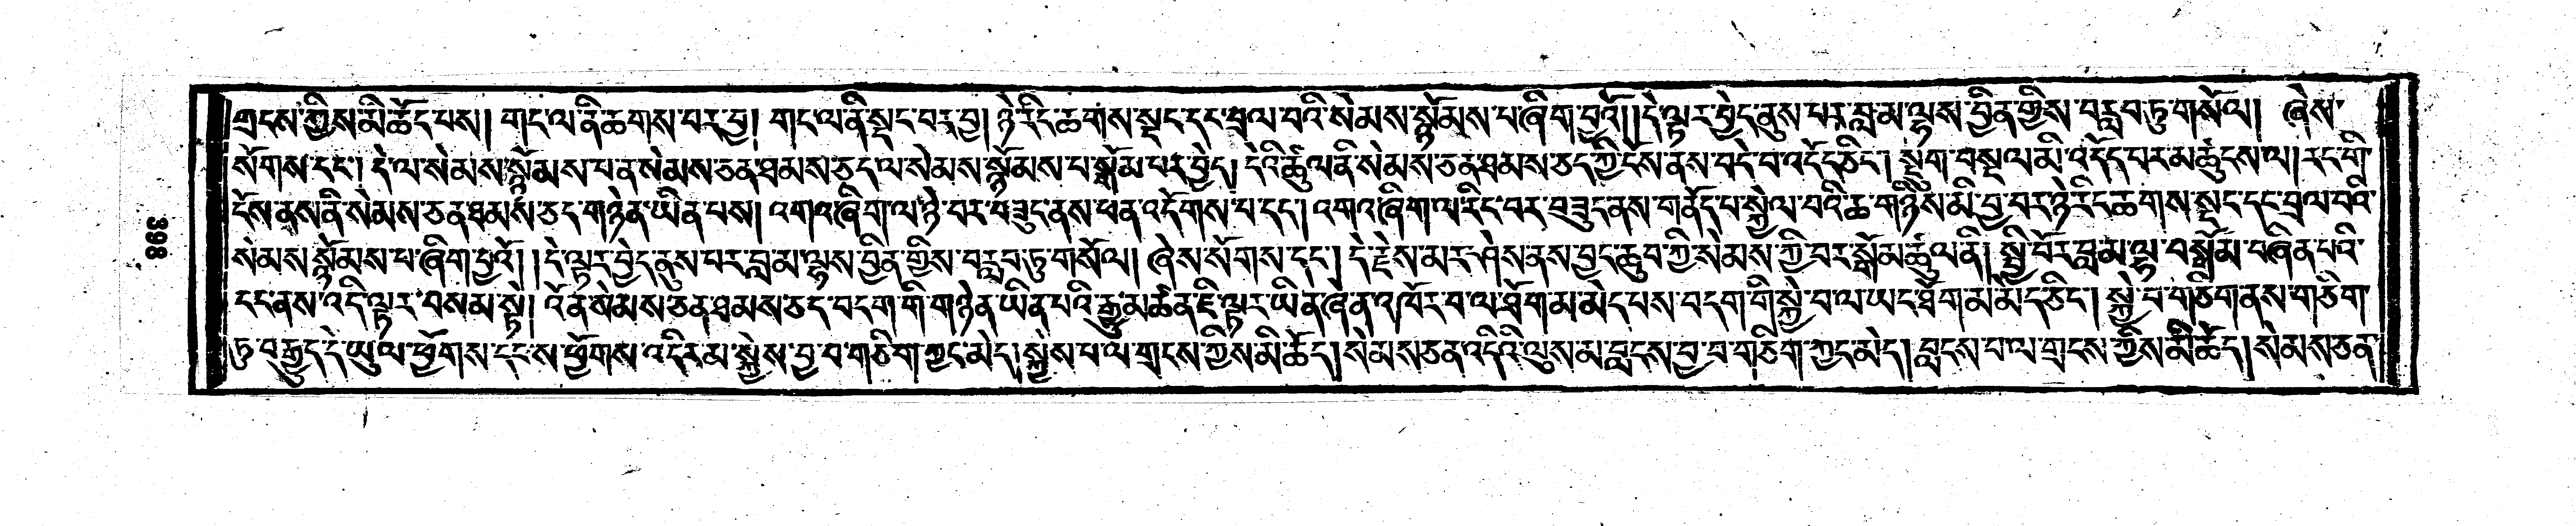གྲངས་ཀྱིས་མི་ཆོད་པས། གང་ལ་ནི་ཆགས་པར་བྱ། གང་ལ་ནི་སྡང་བར་བྱ། ཉེ་རིང་ཆགས་སྡང་དང་བྲལ་བའི་སེམས་སྙོམས་པ་ཞིག་བྱའོ། །དེ་ལྟར་བྱེད་ནུས་པར་བླ་མ་ལྷས་བྱིན་གྱིས་བརླབ་ཏུ་གསོལ། ཞེས་
སོགས་དང་། དེ་ལ་སེམས་སྙོམས་པ་ན་སེམས་ཅན་ཐམས་ཅད་ལ་སེམས་སྙོམས་པ་སྒོམ་པར་བྱེད། དེའི་ཚུལ་ནི་སེམས་ཅན་ཐམས་ཅད་ཀྱི་ངོས་ནས་བདེ་བ་འདོད་ཅིང་། སྡུག་བསྔལ་མི་འདོད་པར་མཚུངས་ལ། རང་གི་
ངོས་ནས་ནི་སེམས་ཅན་ཐམས་ཅད་གཉེན་ཡིན་པས། འགའ་ཞིག་ལ་ཉེ་བར་བཟུང་ནས་ཕན་འདོགས་པ་དང་། འགའ་ཞིག་ལ་རིང་བར་བཟུང་ནས་གནོད་པ་སྐྱེལ་བའི་ཆ་གཉིས་མི་བྱ་བར་ཉེ་རིང་ཆགས་སྡང་དང་བྲལ་བའི་
སེམས་སྙོམས་པ་ཞིག་བྱའོ། །དེ་ལྟར་བྱེད་ནུས་པར་བླ་མ་ལྷས་བྱིན་གྱིས་བརླབ་ཏུ་གསོལ། ཞེས་སོགས་དང་། དེ་རྗེས་མར་ཤེས་ནས་བྱང་ཆུབ་ཀྱི་སེམས་ཀྱི་བར་སྒོམ་ཚུལ་ནི། སྤྱི་བོར་བླ་མ་ལྷ་བསྒོམ་བཞིན་པའི་
ངང་ནས་འདི་ལྟར་བསམ་སྟེ། འོ་ན་སེམས་ཅན་ཐམས་ཅད་བདག་གི་གཉེན་ཡིན་པའི་རྒྱུ་མཚན་ཇི་ལྟར་ཡིན་ཞེ་ན་འཁོར་བ་ལ་ཐོག་མ་མེད་པས་བདག་གི་སྐྱེ་བ་ལ་ཡང་ཐོག་མ་མེད་ཅིང་། སྐྱེ་བ་གཅིག་ནས་གཅིག་
ཏུ་བརྒྱུད་དེ་ཡུལ་ཕྱོགས་དང་ས་ཕྱོགས་འདིར་མ་སྐྱེས་བྱ་བ་གཅིག་ཀྱང་མེད། སྐྱེས་པ་ལ་གྲངས་ཀྱིས་མི་ཆོད། སེམས་ཅན་འདིའི་ལུས་མ་བླངས་བྱ་བ་གཅིག་ཀྱང་མེད། བླངས་པ་ལ་གྲངས་ཀྱིས་མི་ཆོད། སེམས་ཅན་